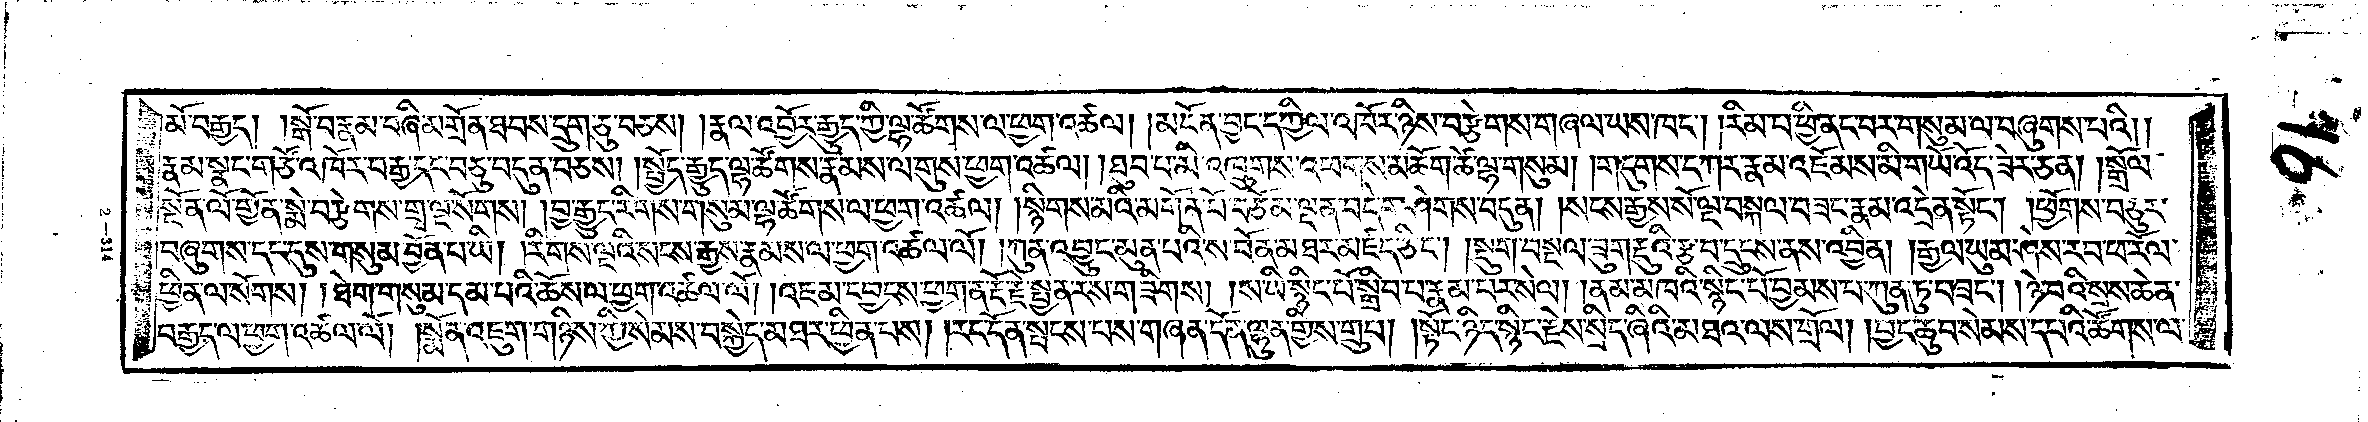མོ་བརྒྱད། །སྒོ་བ་རྣམ་བཞི་མགྲོན་ཐབས་དྲུག་ཅུ་བཅས། །རྣལ་འབྱོར་རྒྱུད་ཀྱི་ལྷ་ཚོགས་ལ་ཕྱག་འཚལ། །མངོན་བྱང་དཀྱིལ་འཁོར་ཉིས་བརྩེགས་གཞལ་ཡས་ཁང་། །རིམ་པ་ཕྱི་ནང་བར་གསུམ་ལ་བཞུགས་པའི། །
རྣམ་སྣང་གཙོ་འཁོར་བརྒྱ་དང་བཅུ་བདུན་བཅས། །སྤྱོད་རྒྱུད་ལྷ་ཚོགས་རྣམས་ལ་གུས་ཕྱག་འཚལ། །ཐུབ་པ་མི་འཁྲུགས་འཕགས་མཆོག་ཚེ་ལྷ་གསུམ། །གདུགས་དཀར་རྣམ་འཇོམས་མི་གཡོ་འོད་ཟེར་ཅན། །སྒྲོལ་
སྔོན་ལོ་གྱོན་སྨེ་བརྩེགས་གྲྭ་ལྔ་སོགས། །བྱ་རྒྱུད་རིགས་གསུམ་ལྷ་ཚོགས་ལ་ཕྱག་འཚལ། །སྙིགས་མའི་མགོན་པོ་བཅོམ་ལྡན་བདེ་གཤེགས་བདུན། །སངས་རྒྱས་སོ་ལྔ་བསྐལ་བཟང་རྣམ་འདྲེན་སྟོང་། །ཕྱོགས་བཅུར་
བཞུགས་དང་དུས་གསུམ་བྱོན་པ་ཡི། །རིགས་ལྔའི་སངས་རྒྱས་རྣམས་ལ་ཕྱག་འཚལ་ལོ། །ཀུན་འབྱུང་མུན་པའི་ས་བོན་མཐར་མཛད་ཅིང་། །སྡུག་བསྔལ་ཟུག་རྡུའི་རྩ་བ་དྲུངས་ནས་འབྱིན། །རྒྱལ་ཡུམ་ཤེས་རབ་ཕ་རོལ་
ཕྱིན་ལ་སོགས། །ཐེག་གསུམ་དམ་པའི་ཆོས་ལ་ཕྱག་འཚལ་ལོ། །འཇམ་དབྱངས་ཕྱག་ན་རྡོ་རྗེ་སྤྱན་རས་གཟིགས། །ས་ཡི་སྙིང་པོ་སྒྲིབ་པ་རྣམ་པར་སེལ། །ནམ་མཁའི་སྙིང་པོ་བྱམས་པ་ཀུན་ཏུ་བཟང་། །ཉེ་བའི་སྲས་ཆེན་
བརྒྱད་ལ་ཕྱག་འཚལ་ལོ། །སྨོན་འཇུག་གཉིས་ཀྱི་སེམས་བསྐྱེད་མཐར་ཕྱིན་པས། །རང་དོན་སྤངས་པས་གཞན་དོན་ལྷུན་གྱིས་གྲུབ། །སྟོང་ཉིད་སྙིང་རྗེས་སྲིད་ཞིའི་མཐའ་ལས་གྲོལ། །བྱང་ཆུབ་སེམས་དཔའི་ཚོགས་ལ་